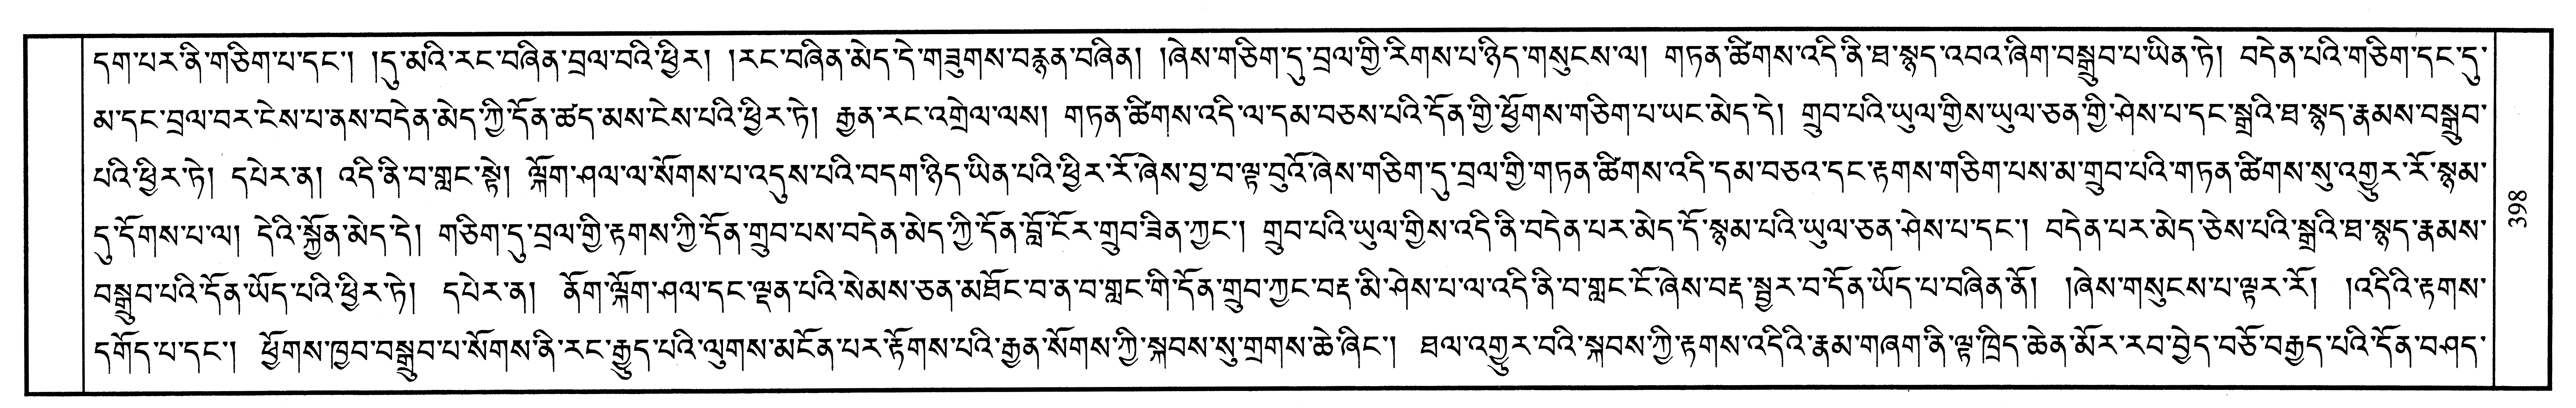དག་པར་ནི་གཅིག་པ་དང་། །དུ་མའི་རང་བཞིན་བྲལ་བའི་ཕྱིར། །རང་བཞིན་མེད་དེ་གཟུགས་བརྙན་བཞིན། །ཞེས་གཅིག་དུ་བྲལ་གྱི་རིགས་པ་ཉིད་གསུངས་ལ། །གཏན་ཚིགས་འདི་ནི་ཐ་སྙད་འབའ་ཞིག་བསྒྲུབ་པ་ཡིན་ཏེ། བདེན་པའི་གཅིག་དང་དུ་
མ་དང་བྲལ་བར་ངེས་པ་ནས་བདེན་མེད་ཀྱི་དོན་ཚད་མས་ངེས་པའི་ཕྱིར་ཏེ། རྒྱན་རང་འགྲེལ་ལས། གཏན་ཚིགས་འདི་ལ་དམ་བཅས་པའི་དོན་གྱི་ཕྱོགས་གཅིག་པ་ཡང་མེད་དེ། གྲུབ་པའི་ཡུལ་གྱིས་ཡུལ་ཅན་གྱི་ཤེས་པ་དང་སྒྲའི་ཐ་སྙད་རྣམས་བསྒྲུབ་
པའི་ཕྱིར་ཏེ། དཔེར་ན། འདི་ནི་བ་གླང་སྟེ། ལྐོག་ཤལ་ལ་སོགས་པ་འདུས་པའི་བདག་ཉིད་ཡིན་པའི་ཕྱིར་རོ་ཞེས་བྱ་བ་ལྟ་བུའོ་ཞེས་གཅིག་དུ་བྲལ་གྱི་གཏན་ཚིགས་འདི་དམ་བཅའ་དང་རྟགས་གཅིག་པས་མ་གྲུབ་པའི་གཏན་ཚིགས་སུ་འགྱུར་རོ་སྙམ་
དུ་དོགས་པ་ལ། དེའི་སྐྱོན་མེད་དེ། གཅིག་དུ་བྲལ་གྱི་རྟགས་ཀྱི་དོན་གྲུབ་པས་བདེན་མེད་ཀྱི་དོན་བློ་ངོར་གྲུབ་ཟིན་ཀྱང་། གྲུབ་པའི་ཡུལ་གྱིས་འདི་ནི་བདེན་པར་མེད་དོ་སྙམ་པའི་ཡུལ་ཅན་ཤེས་པ་དང་། བདེན་པར་མེད་ཅེས་པའི་སྒྲའི་ཐ་སྙད་རྣམས་
བསྒྲུབ་པའི་དོན་ཡོད་པའི་ཕྱིར་ཏེ། དཔེར་ན། ནོག་ལྐོག་ཤལ་དང་ལྡན་པའི་སེམས་ཅན་མཐོང་བ་ན་བ་གླང་གི་དོན་གྲུབ་ཀྱང་བརྡ་མི་ཤེས་པ་ལ་འདི་ནི་བ་གླང་ངོ་ཞེས་བརྡ་སྦྱར་བ་དོན་ཡོད་པ་བཞིན་ནོ། །ཞེས་གསུངས་པ་ལྟར་རོ། །འདིའི་རྟགས་
དགོད་པ་དང་། ཕྱོགས་ཁྱབ་བསྒྲུབ་པ་སོགས་ནི་རང་རྒྱུད་པའི་ལུགས་མངོན་པར་རྟོགས་པའི་རྒྱན་སོགས་ཀྱི་སྐབས་སུ་གྲགས་ཆེ་ཞིང་། ཐལ་འགྱུར་བའི་སྐབས་ཀྱི་རྟགས་འདིའི་རྣམ་གཞག་ནི་ལྟ་ཁྲིད་ཆེན་མོར་རབ་བྱེད་བཅོ་བརྒྱད་པའི་དོན་བཤད་